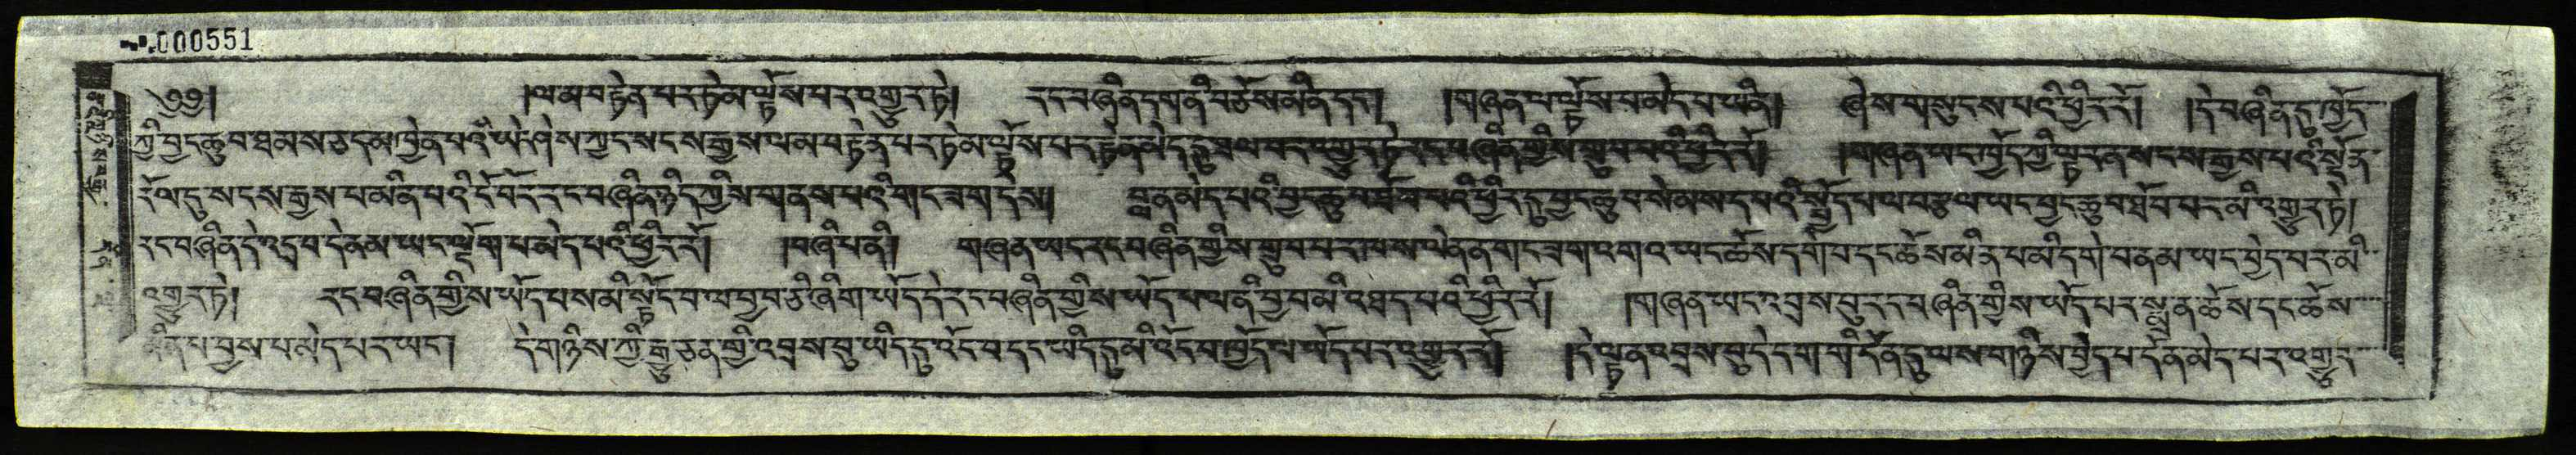༄༅། །ལ་མ་བརྟེན་པར་ཏེ་མ་ལྟོས་པར་འགྱུར་ཏེ། རང་བཞིན་དག་ནི་བཅོས་མིན་དང་། །གཞན་ལ་ལྟོས་པ་མེད་པ་ཡིན། ཞེས་གསུངས་པའི་ཕྱིར་རོ། །དེ་བཞིན་དུ་ཁྱོད་
ཀྱི་བྱང་ཆུབ་ཐམས་ཅད་མཁྱེན་པའི་ཡེ་ཤེས་ཀྱང་སངས་རྒྱས་ལ་མ་བརྟེན་པར་ཏེ་མ་ལྟོས་པར་རྟེན་མེད་དུ་ཐལ་བར་འགྱུར་ཏེ་རང་བཞིན་གྱིས་གྲུབ་པའི་ཕྱིར་རོ། །གཞན་ཡང་ཁྱོད་ཀྱི་ལྟར་ན་སངས་རྒྱས་པའི་སྔོན་
རོལ་དུ་སངས་རྒྱས་པ་མིན་པའི་ངོ་བོར་རང་བཞིན་ཉིད་ཀྱིས་གནས་པའི་གང་ཟག་དེས། བླ་ན་མེད་པའི་བྱང་ཆུབ་ཐོབ་པའི་ཕྱིར་དུ་བྱང་ཆུབ་སེམས་དཔའི་སྤྱོད་པ་ལ་བརྩལ་ཡང་བྱང་ཆུབ་ཐོབ་པར་མི་འགྱུར་ཏེ།
རང་བཞིན་དེ་འདྲ་བ་དེ་ནམ་ཡང་ལྡོག་པ་མེད་པའི་ཕྱིར་རོ། །བཞི་པ་ནི། གཞན་ཡང་རང་བཞིན་གྱིས་གྲུབ་པར་ཁས་ལེན་ན་གང་ཟག་འགའ་ཡང་ཆོས་དགེ་བ་དང་ཆོས་མིན་པ་མི་དགེ་བ་ནམ་ཡང་བྱེད་བར་མི་
འགྱུར་ཏེ། རང་བཞིན་གྱིས་ཡོད་པས་མི་སྟོང་པ་ལ་བྱ་བ་ཅི་ཞིག་ཡོད་དེ་རང་བཞིན་གྱིས་ཡོད་པ་ལ་ནི་བྱ་བ་མི་འཐད་པའི་ཕྱིར་རོ། །གཞན་ཡང་འབྲས་བུ་རང་བཞིན་གྱིས་ཡོད་པར་སྨྲ་ན་ཆོས་དང་ཆོས་
མིན་པ་བྱས་པ་མེད་པར་ཡང་། དེ་གཉིས་ཀྱི་རྒྱུ་ཅན་གྱི་འབྲས་བུ་ཡིད་དུ་འོང་བ་དང་ཡིད་དུ་མི་འོང་བ་ཁྱོད་ལ་ཡོད་པར་འགྱུར་རོ། །དེ་ལྟ་ན་འབྲས་བུ་དེ་དག་གི་དོན་དུ་ལས་གཉིས་བྱེད་པ་དོན་མེད་པར་འགྱུར་